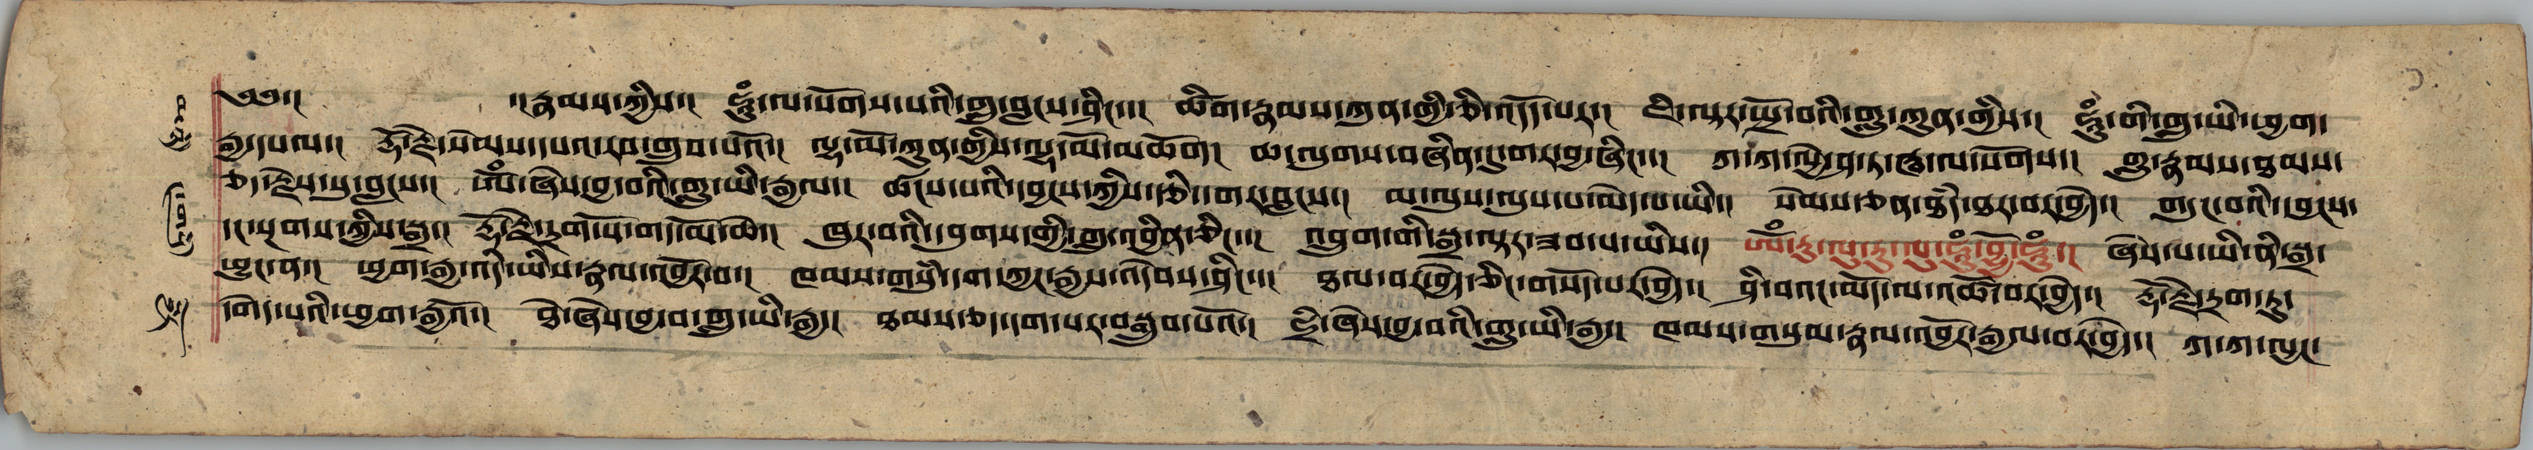༄༅་། ་།རྣམས་ཀྱིས་། ཧཱུཾ་ལ་སོགས་པའི་གླུ་བླངས་ཤིང་་། ཚིག་རྣམས་ཀུན་གྱི་ཅི་འདོད་པར་། ཇི་ལྟར་སྤྲོ་བའི་གླུ་ཀུན་གྱིས་། ཧཱུཾ་གི་གླུ་ཡི་ཕྱག་
རྒྱ་དཔལ་། རྡོ་རྗེ་སེམས་དཔའ་རབ་གྲུབ་པའོ་། ལྷ་མོ་ཀུན་གྱིས་ལྷ་མོ་མཆོག། ཆ་ལུགས་བཞིན་དུ་གར་བྱ་ཞིང་་། ཀ་ཀ་ལྱེ་ཤ་ཏ་ཝ་ལ་སོགས་། གླུ་རྣམས་ཐམས་
ཅད་རྗེས་སུ་བླངས་། ཨོཾ་ཞེས་བྱ་བའི་གླུ་ཡི་རྒྱལ་། ཚངས་པའི་དབྱངས་ཀྱིས་རྩི་དགར་བླངས་། མ་ལུས་ལུས་པ་མེད་པ་ཡི་། སེམས་ཅན་ཐཾད་ཐར་བར་བྱེད་། གདུང་བའི་དབྱངས་
དང་སྔགས་ཀྱིས་སྒྲ་། རྡོ་རྗེ་དྲག་པོ་གད་མོ་ཆེ་། ཁུར་བའི་དབུགས་གྱི་གླུ་འབྱིན་ཅིང་། འབྲུག་གི་སྒྲ་ལྟར་ཟབ་པ་ཡིས་། ཨོཾ་རུ་ལུ་རུ་ལུ་ཧཱུཾ་བྷྱོ་ཧཱུཾ་། ཞེས་པ་ཡི་ནི་སྒྲ་
ཕྱུང་ན་། ཕྱག་རྒྱ་འདི་ཡིས་རྣལ་འབྱོར་བ་། ཁམས་གསུཾ་དག་ཀྱང་རྒྱས་འདེབས་ཤིང་་། ཐལ་བར་བྱེད་ཅིང་གསོད་པར་བྱེད་། ཤི་བའང་མོད་ལ་འཚོ་བར་བྱེད་། རྡོ་རྗེ་དྲག་ཏུ་
དགེད་པའི་ཕྱག་རྒྱའོ་། ཐེ་ཞེས་བྱ་བ་གླུ་ཡི་རྒྱ་། ཐམས་ཅད་དག་པར་བསྒྲུབ་པའོ་། ཧྲི་ཞེས་བྱ་བའི་གླུ་ཡི་རྒྱ་། ཁམས་གསུམ་རྣལ་འབྱོར་རྒྱལ་བར་བྱེད་། ཀ་ཀ་ལྱང་